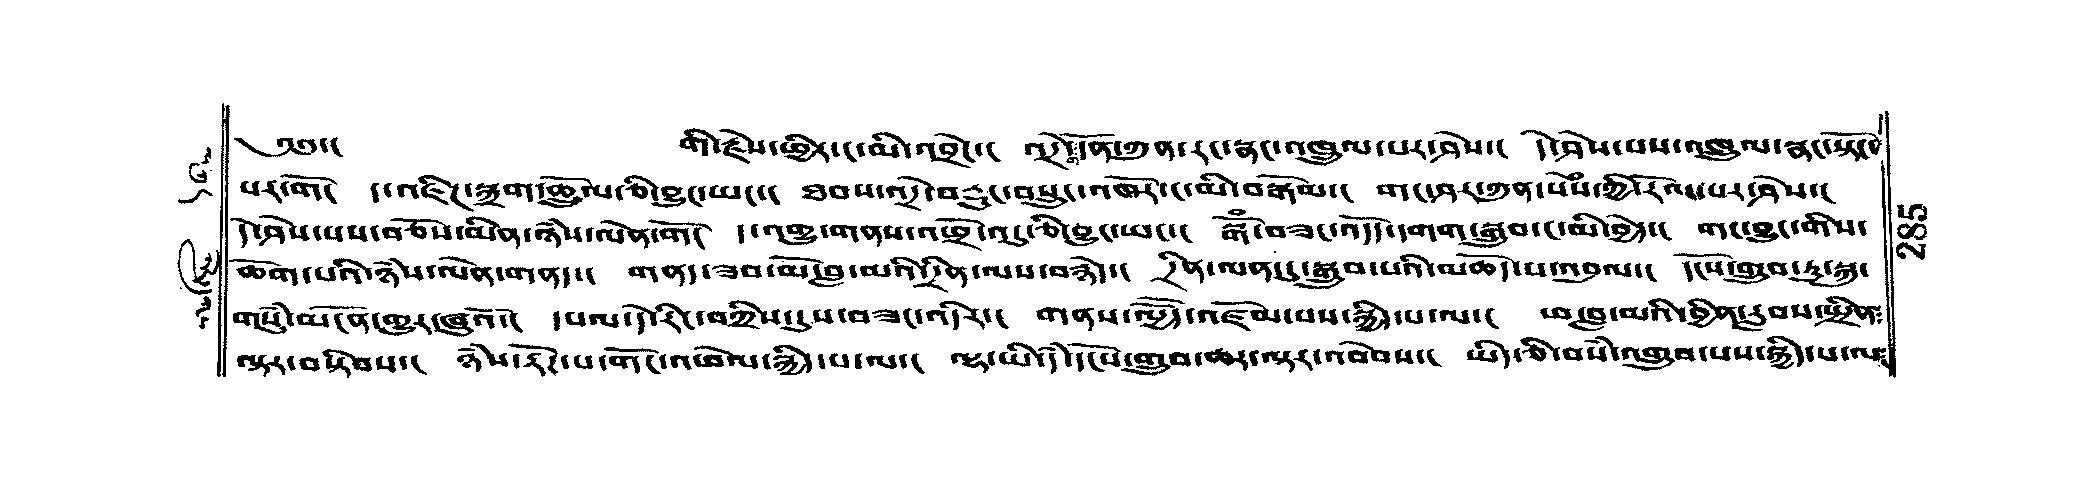གི་རྗེས་ཕྱིར་ང་མི་འབྲེང་། །འདྲེ་གདོན་ཀུན་རང་སྣང་འཁྲུལ་པར་ཤེས། །དེ་ཤེས་པས་འཁྲུལ་སྣང་སྟོག་
པར་གོ། ད་འཇིགས་སྐྲག་ཆོ་འཕྲུལ་ཅི་བྱུང་ཡང་། །ཐབས་འདྲེ་བརྡུང་བསྲུང་འཁོར་ང་མི་བསྒོམ། །གང་ཤར་ཀུན་སེམས་ཀྱི་རོལ་པར་ཤེས། །
དེ་ཤེས་པས་བཅོས་མིན་ཉམས་ལེན་གོ །ད་འགྱུ་གནས་འཕྲོ་འདུ་ཅི་བྱུང་ཡང་། །སྒོམ་བཟང་འདོད་དགག་སྒྲུབ་ང་མི་བྱེད། །གང་བྱུང་གིས་
ཆོག་པའི་ཉམས་ལེན་གནད། །གནད་ཟབ་མོ་བླ་མའི་དྲིན་ལས་བརྙེད། །དྲིན་ལན་དུ་སྒྲུབ་པའི་མཆོད་པ་འབུལ། །དངོས་གྲུབ་ཏུ་སྐུ་
གསུམ་མངོན་གྱུར་ཞུའོ། །དཔལ་དེ་རིང་བཀྲ་ཤིས་དུས་བཟང་འདིར། །གནས་ལོངས་སྤྱོད་འཛོམ་པས་སྐྱིད་པ་ལ། །ཕ་བླ་མའི་བྱིན་རླབས་སྤྲིན་
ལྟར་བསྟིབས། །ཉམས་རྟོགས་པ་གོང་འཕེལ་སྐྱིད་པ་ལ། །ལྷ་ཡི་དམ་དངོས་གྲུབ་ཆར་ལྟར་འབེབས། །ཡིད་ཅི་བསམ་འགྲུབ་པས་སྐྱིད་པ་ལ།